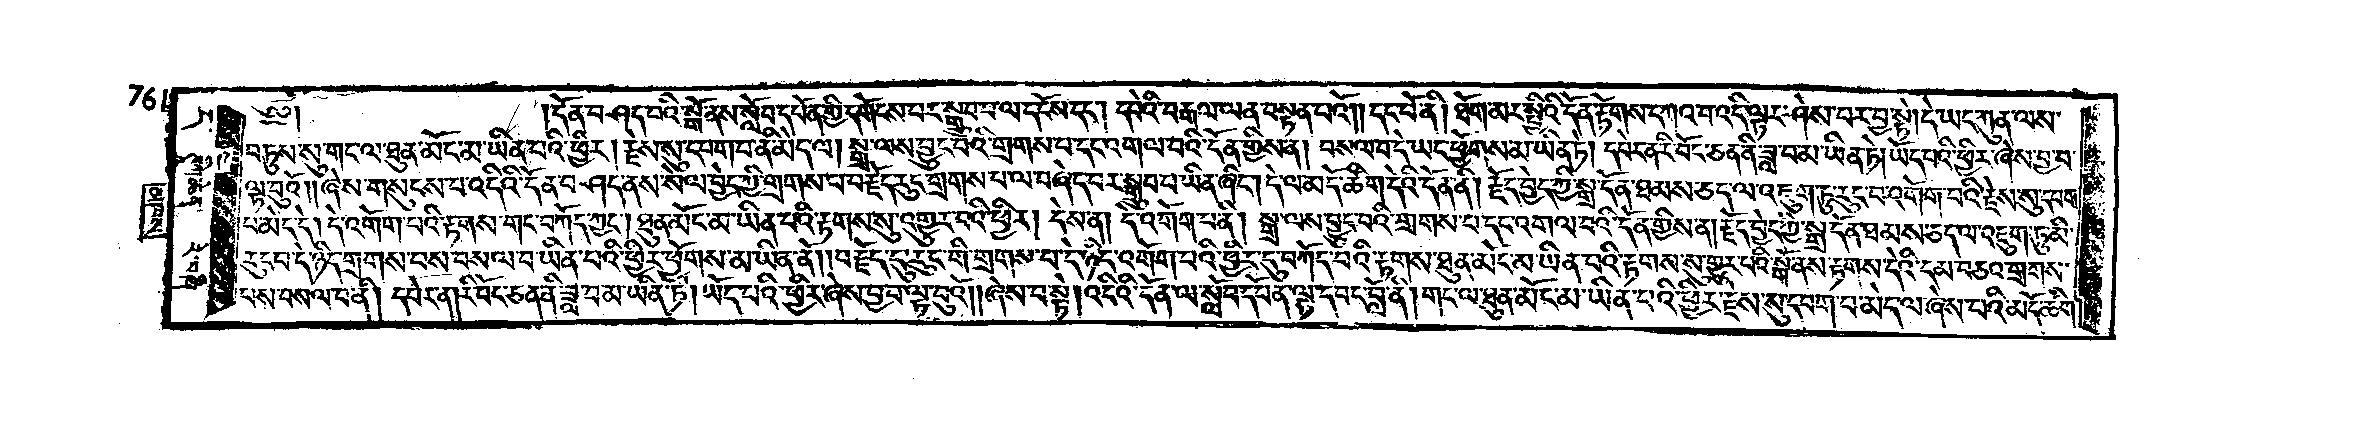༄༅། །དོན་བཤད་པའི་སྒོ་ནས་སློབ་དཔོན་གྱི་དགོངས་པར་སྒྲུབ་པ་ལ་དངོས་དང་། དཔེའི་བརྒལ་ལན་བསྟན་པའོ། །དང་པོ་ནི། ཐོག་མར་སྤྱིའི་དོན་རྟོགས་དཀའ་བ་འདི་ལྟར་ཤེས་པར་བྱ་སྟེ། དེ་ཡང་ཀུན་ལས་
བཏུས་སུ་གང་ལ་ཐུན་མོང་མ་ཡིན་པའི་ཕྱིར། རྗེས་སུ་དཔག་པ་ནི་མེད་ལ། སྒྲ་ལས་བྱུང་བའི་གྲགས་པ་དང་འགལ་བའི་དོན་གྱིས་ན། བསལ་བ་དེ་ཡང་ཕྱོགས་མ་ཡིན་ཏེ། དཔེར་ན་རི་བོང་ཅན་ནི་ཟླ་བ་མ་ཡིན་ཏེ། ཡོད་པའི་ཕྱིར་ཞེས་བྱ་བ་
ལྟ་བུའོ། །ཞེས་གསུངས་པ་འདིའི་དོན་བཤད་ནས་སེལ་བྱེད་ཀྱི་གྲགས་པ་བརྗོད་རུང་གྲགས་པ་ལ་བཞེད་པར་སྒྲུབ་པ་ཡིན་ཞིང་། དེ་ལ་མདོ་ཚིག་དེའི་དོན་ནི། རྗོད་བྱེད་ཀྱི་སྒྲ་དོན་ཐམས་ཅད་ལ་འཇུག་ཏུ་རུང་བ་འགོག་པའི་རྗེས་སུ་དཔག་
པ་མེད་དེ། དེ་འགོག་པའི་རྟགས་གང་བཀོད་ཀྱང་། ཐུན་མོང་མ་ཡིན་པའི་རྟགས་སུ་འགྱུར་བའི་ཕྱིར། དེས་ན། དེ་འགོག་པ་ནི། སྒྲ་ལས་བྱུང་བའི་གྲགས་པ་དང་འགལ་བའི་དོན་གྱིས་ན། རྗོད་བྱེད་ཀྱི་སྒྲ་དོན་ཐམས་ཅད་ལ་འཇུག་ཏུ་མི་
རུང་བ་དེ་ཉིད་གྲགས་པས་བསལ་བ་ཡིན་པའི་ཕྱིར་ཕྱོགས་མ་ཡིན་ནོ། །བརྗོད་དུ་རུང་གི་གྲགས་པ་དེ་ཉིད་འགོག་པའི་ཕྱིར་དུ་བཀོད་པའི་རྟགས་ཐུན་མོང་མ་ཡིན་པའི་རྟགས་སུ་གྱུར་བའི་སྒོ་ནས་རྟགས་དེའི་དམ་བཅའ་གྲགས་
པས་བསལ་བ་ནི། དཔེར་ན། རི་བོང་ཅན་ནི་ཟླ་བ་མ་ཡིན་ཏེ། ཡོད་པའི་ཕྱིར་ཞེས་བྱ་བ་ལྟ་བུའོ། །ཞེས་པ་སྟེ། འདིའི་དོན་ལ་སློབ་དཔོན་ལྷ་དབང་བློ་ནི། གང་ལ་ཐུན་མོང་མ་ཡིན་པའི་ཕྱིར་རྗེས་སུ་དཔག་པ་མེད་ལ་ཞེས་པའི་མདོ་ཚིག་